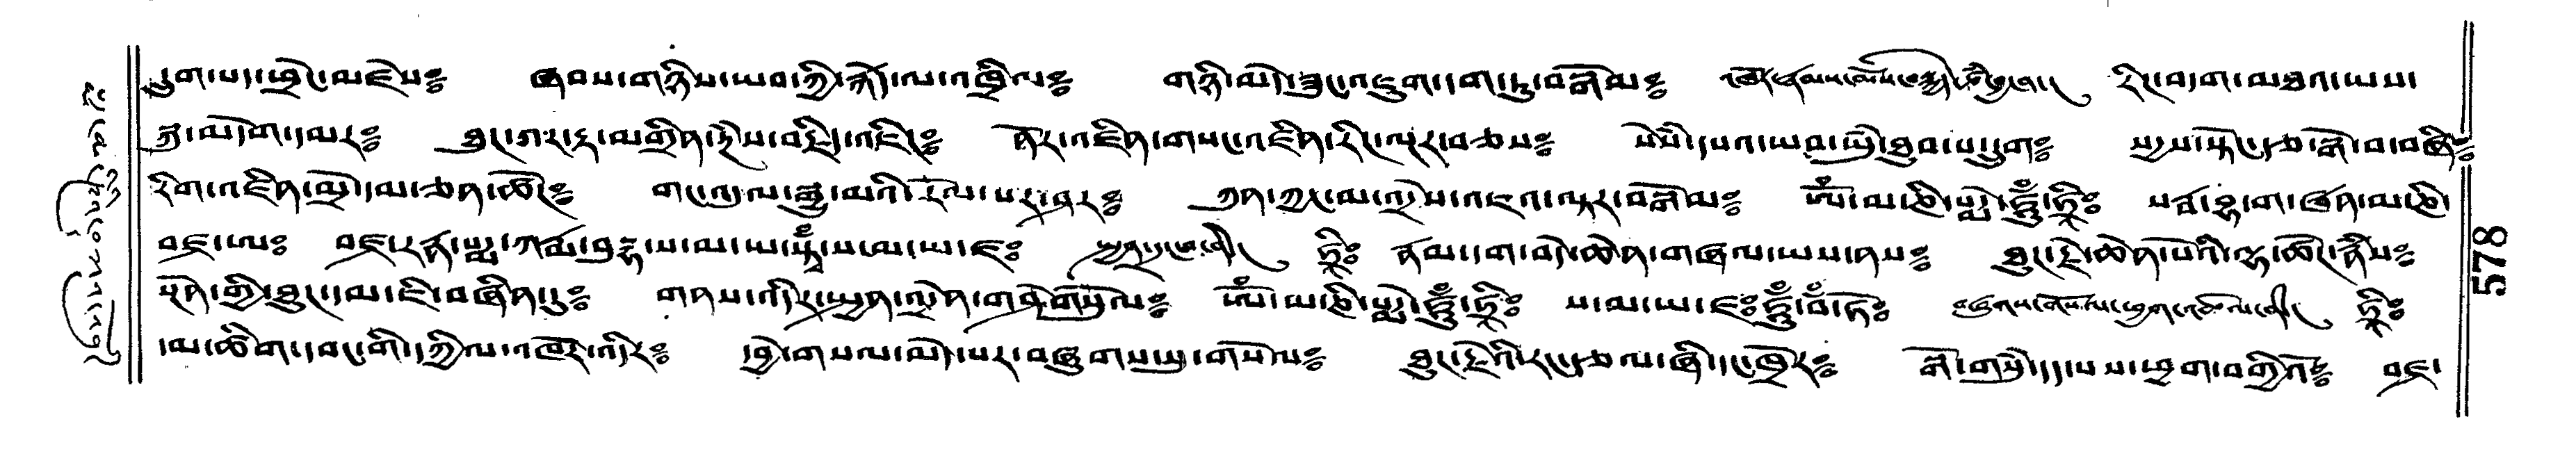དྲུག་པད་ཕྲེང་མཛེས༔ ཞབས་གཉིས་ཡབ་ཀྱི་རྐེད་ལ་འཁྲིལ༔ གཉིས་མེད་ཟུང་འཇུག་དག་ཏུ་བསྒོམ༔ འཁོར་རྣམས་མོས་བསྐྱེད་ཙམ་བྱ་ན། རིགས་བདག་མཐའ་ཡས་
སྐུ་མདོག་དམར༔ ཐུགས་ཀར་རྟ་མགྲིན་རྔམས་བརྗིད་འཇིགས༔ ནོར་འཛིན་གསང་འཛིན་རིགས་ལྔར་བཅས༔ སེམས་དཔའ་ཡབ་ཡུམ་ཐུབ་པ་དྲུག༔ སངས་རྒྱས་སྟོང་རྩ་སྒོ་བ་བཞི༔ 
རིག་འཛིན་མཁའ་འགྲོ་དམ་ཅན་ཚོགས༔ གང་འདུལ་སྒྱུ་མའི་རོལ་པར་ཤར༔ ཀུན་ཀྱང་མ་འདྲེས་འཇའ་ལྟར་བསྒོམ༔ ཨོཾམ་ཎི་པདྨེ་ཧཱུྃ་ཧྲཱི༔ སརྦ་བྷ་ག་ཝན་མ་ཎི་
བཛྲ་ཨ༔ བཛྲ་རཏྣ་པདྨ་ཀརྨ་བུདྡྷ་ས་མ་ཡ་སྟྭྃ་ས་མ་ཡ་ཛ༔ སྤྱན་དྲང་བ་ནི། ཧྲཱི༔ རྣམ་དག་བདེ་ཆེན་གཞལ་ཡས་ནས༔ ཐུགས་རྗེ་ཆེན་པོའི་ལྷ་ཚོགས་རྣམས༔ 
སྔོན་གྱི་ཐུགས་དམ་ཇི་བཞིན་དུ༔ གནས་འདིར་སྤྱན་འདྲེན་གཤེགས་སུ་གསོལ༔ ཨོཾ་མ་ཎི་པདྨེ་ཧཱུྃ་ཧྲཱི༔ས་མ་ཡ་ཛཿཧཱུྃ་བ་ྃཧོ༔ བཞུགས་གསོལ་ཕྱག་འཚལ་ནི། ཧྲཱི༔ 
དམ་ཚིག་དབང་གི་དཀྱིལ་འཁོར་འདིར༔ དབྱེ་གསལ་མེད་པར་བཞུགས་སུ་གསོལ༔ ཐུགས་རྗེའི་རང་རྩལ་ཞི་དང་ཁྲོར༔ སྒོ་གསུམ་དད་པས་ཕྱག་བགྱིའོ༔ བཛྲ་